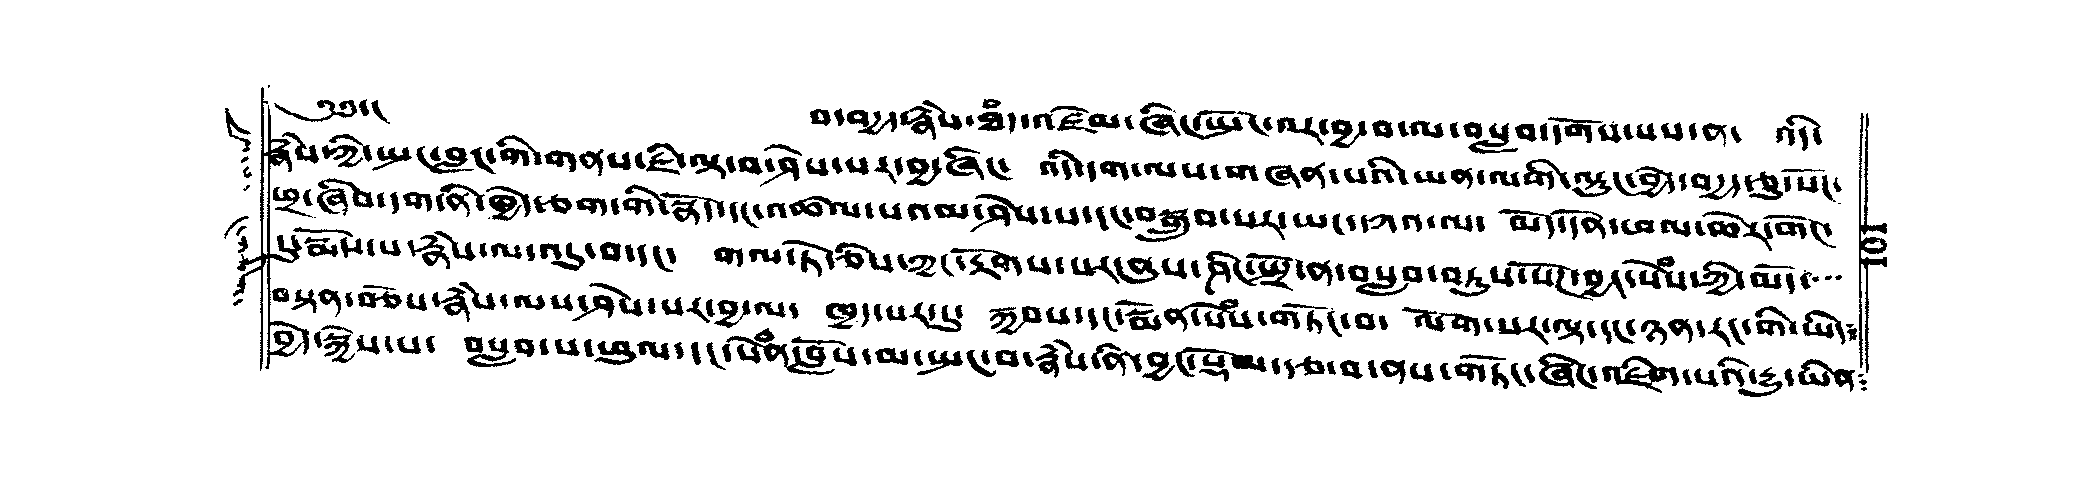བ་བརྒྱད་རྣམས་ཐམས་ཅད་འཛོམ་ཞིང་སྤོང་བར་བྱ་བ་ལ་བསླབ་དགོས་པས་ན། འདི་
རྣམས་ཀྱི་སྤང་བླང་གི་ནགས་ཇི་ལྟ་བ་ཤེས་པར་བྱ་ཞིང་། འདི་དག་ལས་གཞན་པའི་ཡན་ལག་གི་ལྟུང་བྱེད་བརྒྱད་ཅུ་སོང་
ཕྲ་ཞིབ་དག་ནི་ཁྱེད་ཅག་གི་སྣོད་དང་འཚལ་པའམ་ཤེས་པ་དང་བསྒྲུབ་པར་ཡང་དཀའ་ལ། མོད་དོན་ཕལ་ཆེར་གོང་
དུ་སྨོས་པ་རྣམས་ལ་འདུ་བ་དང་། གལ་ཏེ་ཅིས་ཀྱང་རྟོགས་པར་ནུས་ཤིང་སྤྲོ་ན་བསླབ་བཏུས་སོགས་བྱང་སེམས་ཀྱི་མདོ་
བསྟན་བཅོས་རྣམས་ལ་ཤེས་པར་བྱ་ལ། ཁྱད་པར་དུ། སྐྱབས་དང་སྨོན་སེམས་གཏོང་བ། ལོག་པར་ལྟ་དང་ཉན་རང་གི་ཡིད་
བྱེད་སྐྱེས་པ། བསླབ་པ་ཕུལ་དང་སེམས་ཅན་བློས་མ་སྤང་བ་རྣམས་ནི་བྱང་སྡོམ་རྩ་བ་ནས་གཏོང་ཞིང་འཇིག་པའི་རྒྱུ་ཡིན་